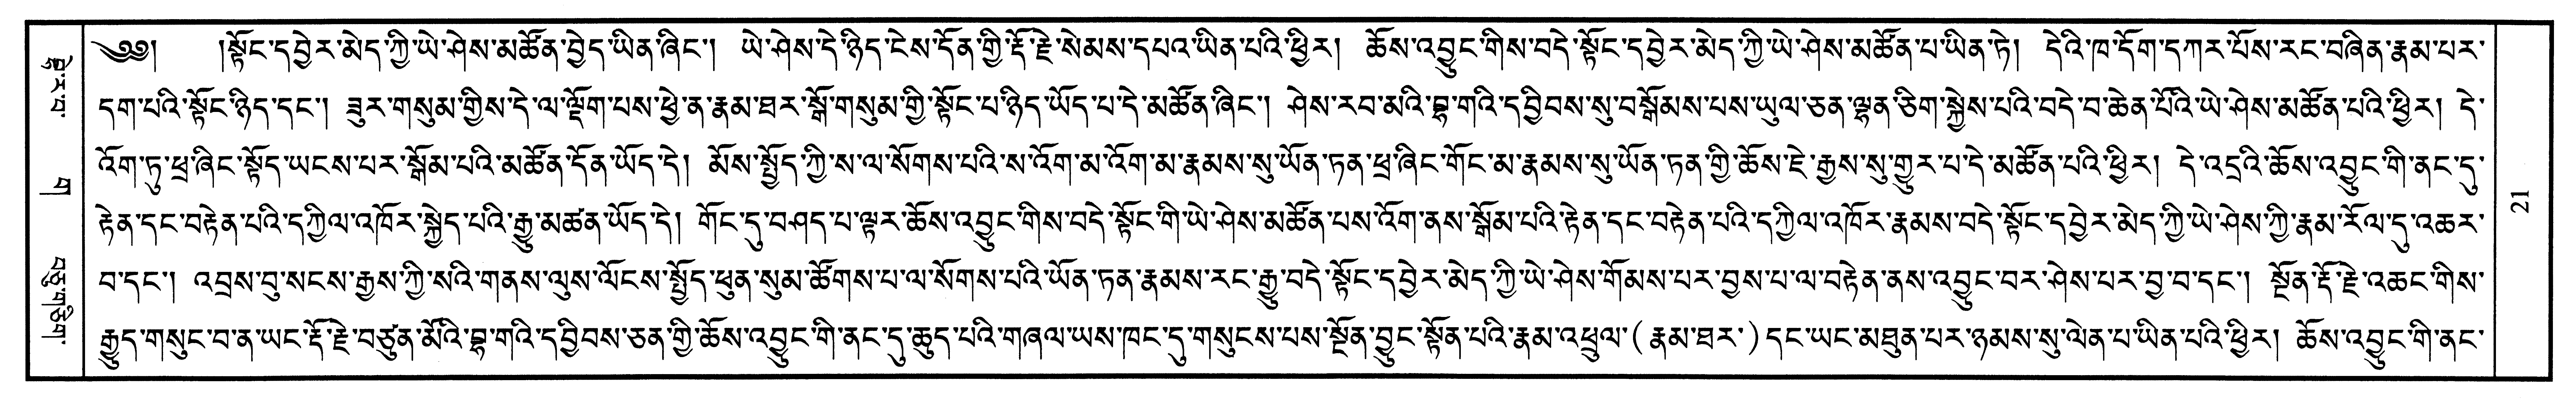༄༅། །སྟོང་དབྱེར་མེད་ཀྱི་ཡེ་ཤེས་མཚོན་བྱེད་ཡིན་ཞིང་། ཡེ་ཤེས་དེ་ཉིད་ངེས་དོན་གྱི་རྡོ་རྗེ་སེམས་དཔའ་ཡིན་པའི་ཕྱིར། ཆོས་འབྱུང་གིས་བདེ་སྟོང་དབྱེར་མེད་ཀྱི་ཡེ་ཤེས་མཚོན་པ་ཡིན་ཏེ། དེའི་ཁ་དོག་དཀར་པོས་རང་བཞིན་རྣམ་པར་
དག་པའི་སྟོང་ཉིད་དང་། ཟུར་གསུམ་གྱིས་དེ་ལ་ལྡོག་པས་ཕྱེ་ན་རྣམ་ཐར་སྒོ་གསུམ་གྱི་སྟོང་པ་ཉིད་ཡོད་པ་དེ་མཚོན་ཞིང་། ཤེས་རབ་མའི་བྷ་གའི་དབྱིབས་སུ་བསྒོམས་པས་ཡུལ་ཅན་ལྷན་ཅིག་སྐྱེས་པའི་བདེ་བ་ཆེན་པོའི་ཡེ་ཤེས་མཚོན་པའི་ཕྱིར། དེ་
འོག་ཏུ་ཕྲ་ཞིང་སྟོད་ཡངས་པར་སྒོམ་པའི་མཚོན་དོན་ཡོད་དེ། མོས་སྤྱོད་ཀྱི་ས་ལ་སོགས་པའི་ས་འོག་མ་འོག་མ་རྣམས་སུ་ཡོན་ཏན་ཕྲ་ཞིང་གོང་མ་རྣམས་སུ་ཡོན་ཏན་གྱི་ཆོས་ཇེ་རྒྱས་སུ་གྱུར་པ་དེ་མཚོན་པའི་ཕྱིར། དེ་འདྲའི་ཆོས་འབྱུང་གི་ནང་དུ་
རྟེན་དང་བརྟེན་པའི་དཀྱིལ་འཁོར་སྐྱེད་པའི་རྒྱུ་མཚན་ཡོད་དེ། གོང་དུ་བཤད་པ་ལྟར་ཆོས་འབྱུང་གིས་བདེ་སྟོང་གི་ཡེ་ཤེས་མཚོན་པས་འོག་ནས་སྒོམ་པའི་རྟེན་དང་བརྟེན་པའི་དཀྱིལ་འཁོར་རྣམས་བདེ་སྟོང་དབྱེར་མེད་ཀྱི་ཡེ་ཤེས་ཀྱི་རྣམ་རོལ་དུ་འཆར་
བ་དང་། འབྲས་བུ་སངས་རྒྱས་ཀྱི་སའི་གནས་ལུས་ལོངས་སྤྱོད་ཕུན་སུམ་ཚོགས་པ་ལ་སོགས་པའི་ཡོན་ཏན་རྣམས་རང་རྒྱུ་བདེ་སྟོང་དབྱེར་མེད་ཀྱི་ཡེ་ཤེས་གོམས་པར་བྱས་པ་ལ་བརྟེན་ནས་འབྱུང་བར་ཤེས་པར་བྱ་བ་དང་། སྔོན་རྡོ་རྗེ་འཆང་གིས་
རྒྱུད་གསུང་བ་ན་ཡང་རྡོ་རྗེ་བཙུན་མོའི་བྷ་གའི་དབྱིབས་ཅན་གྱི་ཆོས་འབྱུང་གི་ནང་དུ་ཆུད་པའི་གཞལ་ཡས་ཁང་དུ་གསུངས་པས་སྔོན་བྱུང་སྟོན་པའི་རྣམ་འཕྲུལ་རྣམ་ཐར་དང་ཡང་མཐུན་པར་ཉམས་སུ་ལེན་པ་ཡིན་པའི་ཕྱིར། ཆོས་འབྱུང་གི་ནང་